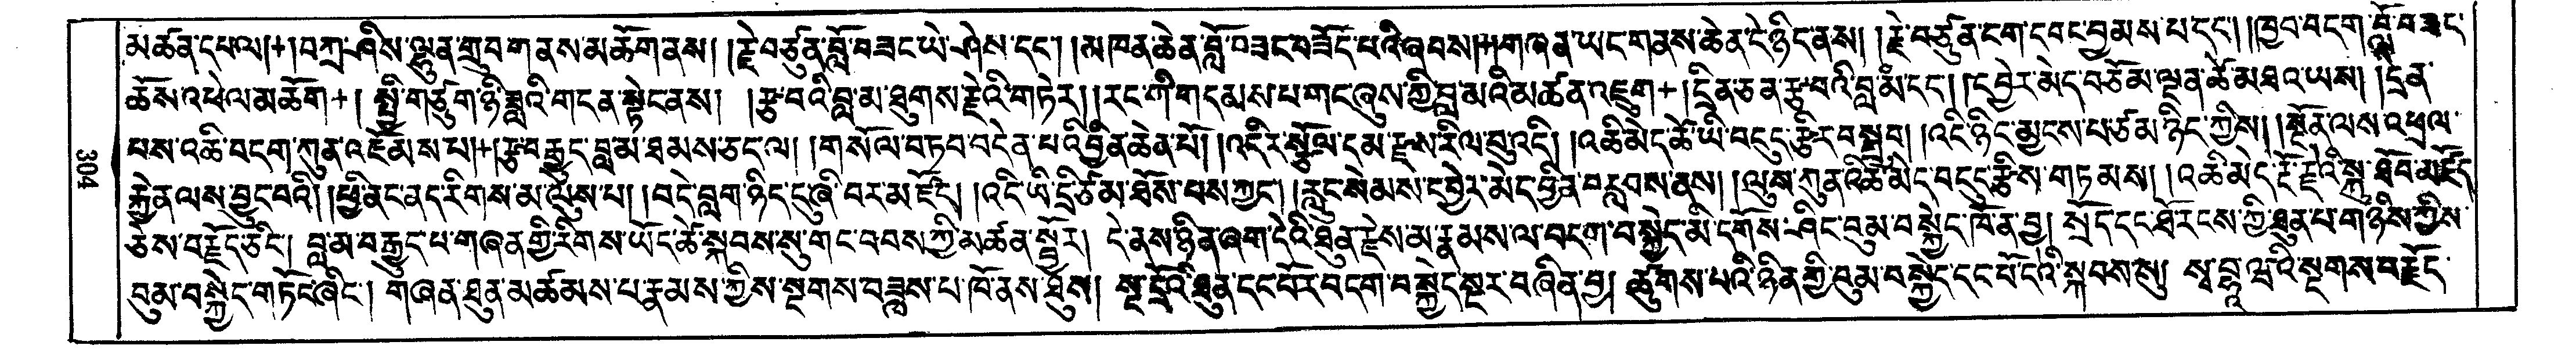མཚན་དཔལ། །བཀྲ་ཤིས་ལྷུན་གྲུབ་གནས་མཆོག་ནས། །རྗེ་བཙུན་བློ་བཟང་ཡེ་ཤེས་དང་། །མཁན་ཆེན་བློ་བཟང་བཟོད་པའི་ཞབས། །གཞན་ཡང་གནས་ཆེན་དེ་ཉིད་ནས། །རྗེ་བཙུན་ངག་དབང་བྱམས་པ་དང་། །ཁྱབ་བདག་བློ་བཟང་
ཆོས་འཕེལ་མཆོག །སྤྱི་གཙུག་ཉི་ཟླའི་གདན་སྟེང་ནས། །རྩ་བའི་བླ་མ་ཐུགས་རྗེའི་གཏེར། །རང་གི་གདམས་པ་གང་ཞུས་ཀྱི་བླ་མའི་མཚན་འཇུག །དྲིན་ཅན་རྩ་བའི་བླ་མ་དང་། །དབྱེར་མེད་བཅོམ་ལྡན་ཚེ་མཐའ་ཡས། །དྲན་
པས་འཆི་བདག་ཀུན་འཇོམས་པ། །རྩ་བརྒྱུད་བླ་མ་ཐམས་ཅད་ལ། །གསོལ་བཏབ་བདེན་པའི་བྱིན་ཆེན་པོ། །འདིར་སྩོལ་དམ་རྫས་རིལ་བུ་འདི། །འཆི་མེད་ཚེ་ཡི་བདུད་རྩིར་བསྒྲུབ། །འདི་ཉིད་མྱངས་པ་ཙམ་ཉིད་ཀྱིས། །སྔོན་ལས་འཕྲལ་
རྐྱེན་ལས་བྱུང་བའི། །ཕྱི་ནང་ནད་རིགས་མ་ལུས་པ། །བདེ་བླག་ཉིད་དུ་ཞི་བར་མཛོད། །འདི་ཡི་དྲི་ཙམ་ཐོས་པས་ཀྱང་། །རླུང་སེམས་དབྱེར་མེད་བྱིན་བརླབས་ནས། །ལུས་ཀུན་འཆི་མེད་བདུད་རྩིས་གཏམས། །འཆི་མེད་རྡོ་རྗེའི་སྐུ་ཐོབ་མཛོད།
ཅེས་བརྗོད་ཅིང་། བླ་མ་བརྒྱུད་པ་གཞན་གྱི་རིགས་ཡོད་ཚེ་སྐབས་སུ་གང་བབས་ཀྱི་མཚན་སྦྱོར། དེ་ནས་ཉིན་ཞག་དེའི་ཐུན་རྗེས་མ་རྣམས་ལ་བདག་བསྐྱེད་མི་དགོས་ཤིང་བུམ་བསྐྱེད་ཁོ་ན་བྱ། སྲོད་དང་ཐོ་རངས་ཀྱི་ཐུན་བ་གཉིས་ཀྱིས་
བུམ་བསྐྱེད་གཏོང་ཞིང་། གཞན་ཐུན་མཚམས་པ་རྣམས་ཀྱིས་སྔགས་བཟླས་པ་ཁོ་ནས་ཐུས། སྔ་དྲོའི་ཐུན་དང་པོར་བདག་བསྐྱེད་སྔར་བཞིན་བྱ། ཚུགས་པའི་ཉིན་གྱི་བུམ་བསྐྱེད་དང་པོ་དེའི་སྐབས་སུ། སྭ་བྷཱ་ཝའི་སྔགས་བརྗོད་